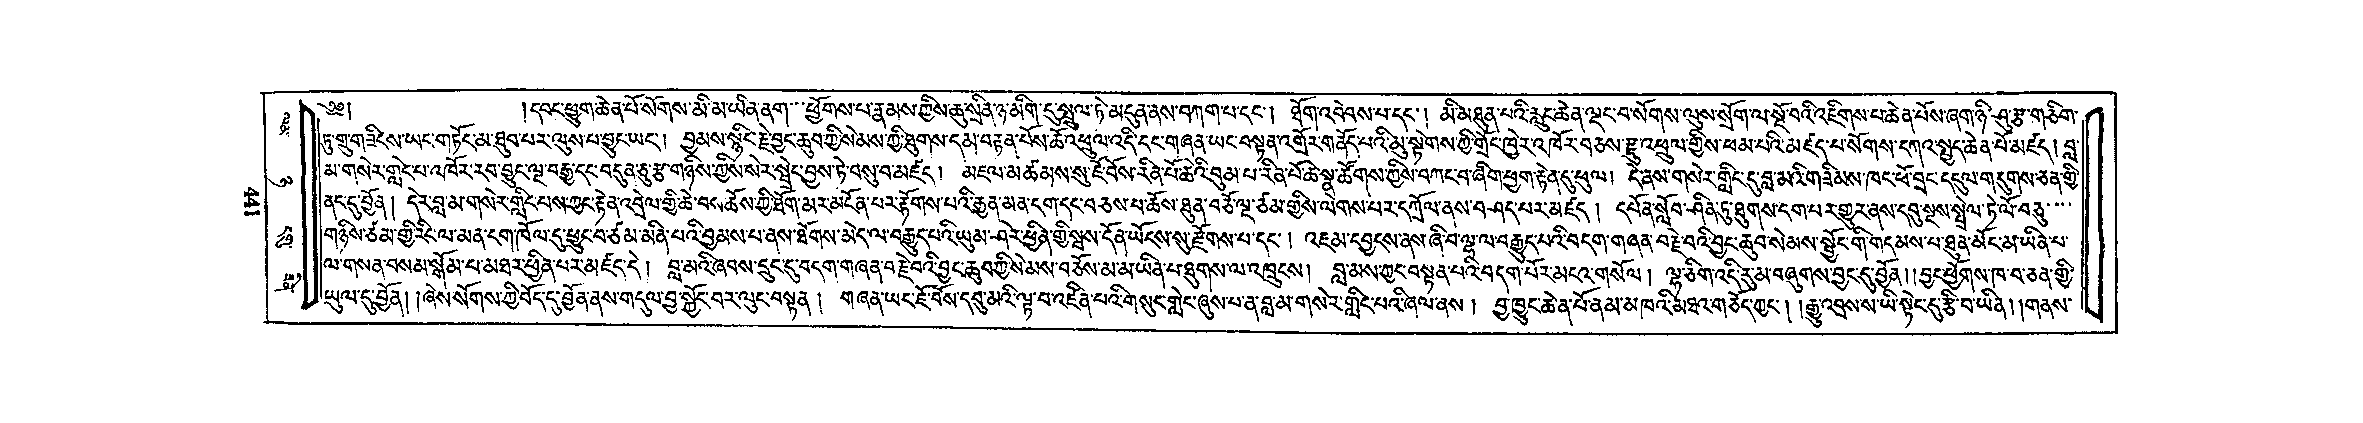༄༅། །དབང་ཕྱུག་ཆེན་པོ་སོགས་མི་མ་ཡིན་ནག་ཕྱོགས་པ་རྣམས་ཀྱིས་ཆུ་སྲིན་ཉ་མིག་དུ་སྤྲུལ་ཏེ་མདུན་ནས་བཀག་པ་དང་། ཐོག་འབེབས་པ་དང་། མི་མཐུན་པའི་རླུང་ཆེན་ལྡང་བ་སོགས་ལུས་སྲོག་ལ་སྔོ་བའི་འཇིགས་པ་ཆེན་པོས་ཞག་ཉི་ཤུ་རྩ་གཅིག་
ཏུ་གྲུ་གཟིངས་ཡང་གཏོང་མ་ཐུབ་པར་ལུས་པ་བྱུང་ཡང་། བྱམས་སྙིང་རྗེ་བྱང་ཆུབ་ཀྱི་སེམས་ཀྱི་ཐུགས་དམ་བརྟན་པོས་ཆོ་འཕྲུལ་འདི་དང་གཞན་ཡང་བསྟན་འགྲོར་གནོད་པའི་མུ་སྟེགས་ཀྱི་གྲོང་ཁྱེར་འཁོར་བཅས་རྫུ་འཕྲུལ་གྱིས་ཕམ་པའི་མཛད་པ་སོགས་དཀའ་སྤྱད་ཆེན་པོ་མཛད། བླ་
མ་གསེར་གླེང་པ་འཁོར་རབ་བྱུང་ལྔ་བརྒྱ་དང་བདུན་ཅུ་རྩ་གཉིས་ཀྱིས་སེར་སྦྲེང་བྱས་ཏེ་བསུ་བ་མཛད། མཇལ་མཚམས་སུ་ཇོ་བོས་རིན་པོ་ཆེའི་བུམ་པ་རིན་པོ་ཆེ་སྣ་ཚོགས་ཀྱིས་བཀང་བ་ཞིག་ཕྱག་རྟེན་དུ་ཕུལ། དེ་ནས་གསེར་གླིང་དུ་བླ་མའི་གཟིམས་ཁང་ཕོ་བྲང་དངུལ་གདུགས་ཅན་གྱི་
ནང་དུ་བྱོན། དེར་བླ་མ་གསེར་གླིང་པས་ཀྱང་རྟེན་འབྲེལ་གྱི་ཆེ་བས་ཆོས་ཀྱི་ཐོག་མར་མངོན་པར་རྟོགས་པའི་རྒྱན་མན་ངག་དང་བཅས་པ་ཆོས་ཐུན་བཅོ་ལྔ་ཙམ་གྱིས་ལེགས་པར་དཀྲོལ་ནས་བཤད་པར་མཛད། དཔོན་སློབ་ཤིན་ཏུ་ཐུགས་དག་པར་གྱུར་ནས་དབུ་སྔས་སྤྲེལ་ཏེ་ལོ་བཅུ་
གཉིས་ཙམ་གྱི་རིང་ལ་མན་ངག་ཁོལ་དུ་ཕྱུང་བ་ཙམ་མིན་པའི་བྱམས་པ་ནས་ཐོགས་མེད་ལ་བརྒྱུད་པའི་ཡུམ་ཤེར་ཕྱིན་གྱི་སྦས་དོན་ཡོངས་སུ་རྫོགས་པ་དང་། འཇམ་དབྱངས་ནས་ཞི་བ་ལྷ་ལ་བརྒྱུད་པའི་བདག་གཞན་བརྗེ་བའི་བྱང་ཆུབ་སེམས་སྦྱོང་གི་གདམས་པ་ཐུན་མོང་མ་ཡིན་པ་
ལ་གསན་བསམ་སྒོམ་པ་མཐར་ཕྱིན་པར་མཛད་དེ། བླ་མའི་ཞབས་དྲུང་དུ་བདག་གཞན་བརྗེ་བའི་བྱང་ཆུབ་ཀྱི་སེམས་བཅོས་མ་མ་ཡིན་པ་ཐུགས་ལ་འཁྲུངས། བླ་མས་ཀྱང་བསྟན་པའི་བདག་པོར་མངའ་གསོལ། ལྷ་ཅིག་འདི་རུ་མ་བཞུགས་བྱང་དུ་བྱོན། །བྱང་ཕྱོགས་ཁ་བ་ཅན་གྱི་
ཡུལ་དུ་བྱོན། །ཞེས་སོགས་ཀྱི་བོད་དུ་བྱོན་ནས་གདུལ་བྱ་སྐྱོང་བར་ལུང་བསྟན། གཞན་ཡང་ཇོ་བོས་དབུ་མའི་ལྟ་བ་འཛིན་པའི་གསུང་གླེང་ཞུས་པ་ན་བླ་མ་གསེར་གླིང་པའི་ཞལ་ནས། བྱ་ཁྱུང་ཆེན་པོ་ནམ་མཁའི་མཐའ་གཅོད་ཀྱང་། །རྒྱུ་འབྲས་ས་ཡི་སྟེང་དུ་རྩི་བ་ཡིན། །གནས་